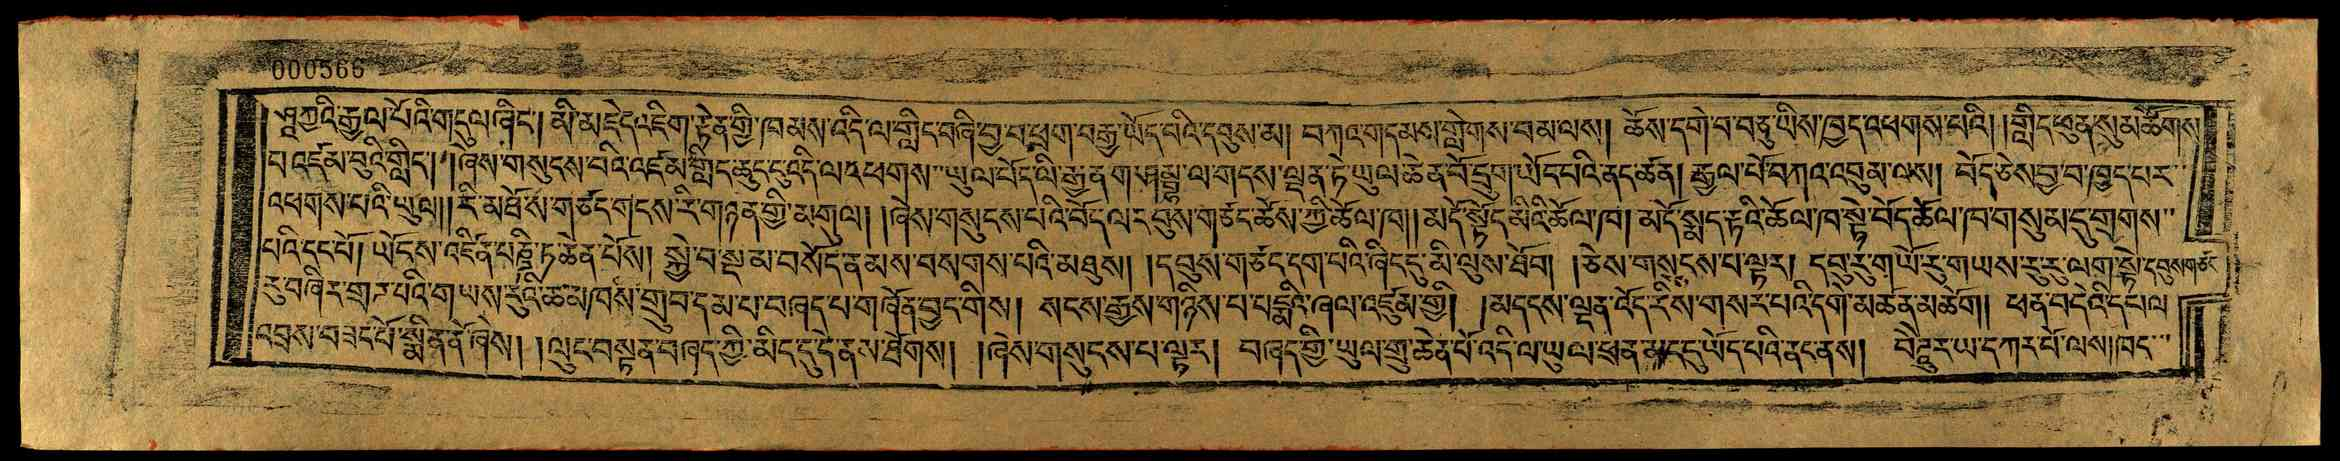ཤཱཀྱའི་རྒྱལ་པོའི་གདུལ་ཞིང་། མི་མཇེད་འཇིག་རྟེན་གྱི་ཁམས་འདི་ལ་གླིང་བཞི་བྱེ་བ་ཕྲག་བརྒྱ་ཡོད་པའི་དབུས་མ། བཀའ་གདམས་གླེགས་བམ་ལས། ཆོས་དགེ་བ་བཅུ་ཡིས་ཁྱད་འཕགས་པའི། །གླིང་ཕུན་སུམ་ཚོགས་
པ་འཛམ་བུའི་གླིང་། །ཞེས་གསུངས་པའི་འཛམ་གླིང་ཆུང་དུ་འདི་ལ་འཕགས་ཡུལ་བོད་ལི་རྒྱ་ནག་ཤམ་ལ་གངས་ལྡན་ཏེ་ཡུལ་ཆེན་པོ་དྲུག་ཡོད་པའི་ནང་ཚན། རྒྱལ་པོ་བཀའ་འབུམ་ལས། བོད་ཅེས་བྱ་བ་ཁྱད་པར་
འཕགས་པའི་ཡུལ། །རི་མཐོ་ས་གཙང་གངས་རི་གཉན་གྱི་མགུལ། །ཞེས་གསུངས་པའི་བོད་ལ་དབུས་གཙང་ཆོས་ཀྱི་ཆོལ་ཁ། །མདོ་སྟོད་མིའི་ཆོལ་ཁ། མདོ་སྨད་རྟའི་ཆོལ་ཁ་སྟེ་བོད་ཆོལ་ཁ་གསུམ་དུ་གྲགས་
པའི་དང་པོ། ཡོངས་འཛིན་པཎྜི་ཏ་ཆེན་པོས། སྐྱེ་བ་སྔ་མ་བསོད་ནམས་བསགས་པའི་མཐུས། །དབུས་གཙང་དག་པའི་ཞིང་དུ་མི་ལུས་ཐོབ། །ཅེས་གསུངས་པ་ལྟར། དབུ་རུ་གཡོ་རུ་གཡས་རུ་རུ་ལག་སྟེ་དབུས་གཙང་
རུ་བཞིར་གྲཊ་པའི་གཡས་རུའི་ཆ་མཁས་གྲུབ་དམ་པ་བཞད་པ་གཞོན་བྱང་གིས། སངས་རྒྱས་གཉིས་པ་པདམའི་ཞལ་འཛུམ་གྱི། །མདངས་ལྡན་འོད་རིགས་གསར་བའི་རྗེས་མཚན་མཆོག་ཕན་བདེའི་དཔལ་
འབྲས་བཟང་བོ་སྨིན་ནོ་ཞེས། །ལུང་བསྟན་བཞད་ཀྱི་མིང་དུ་དེ་ནས་ཐོགས། །ཞེས་གསུངས་པ་ལྟར། བཞད་ཀྱི་ཡུལ་གྲུ་ཆེན་པོ་འདི་ལ་ཡུལ་ཕྲན་མང་དུ་ཡོད་པའི་ནང་ནས། བཻཌཱུར་ཡ་དཀར་པོ་ལས། ཁང་